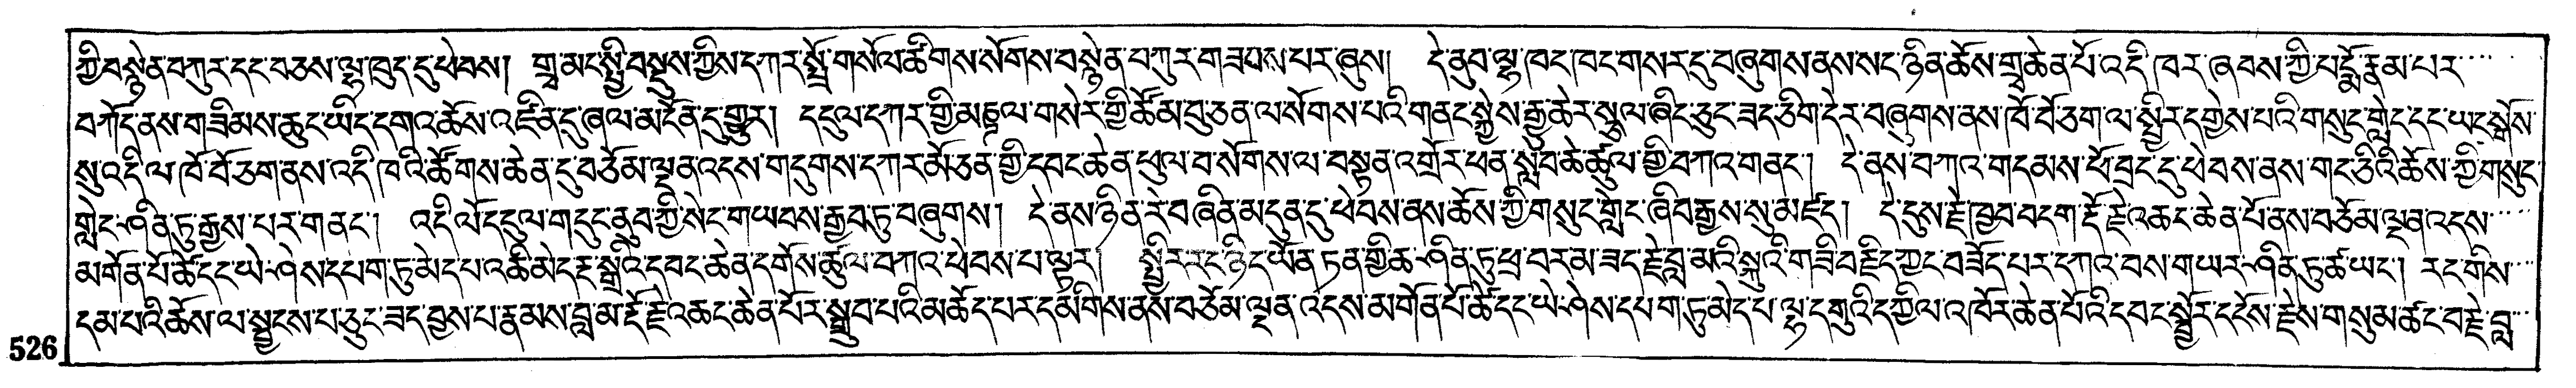ཀྱི་བསྙེན་བཀུར་དང་བཅས་ལྷ་ཁུད་དུ་ཕེབས། གྲྭ་མང་སྤྱི་བསྡུས་ཀྱིས་དཀར་སྤྲོ་གསོལ་ཚིགས་སོགས་བསྙེན་བཀུར་གཟབས་པར་ཞུས། དེ་ནུབ་ལྷ་ཁང་གསར་དུ་བཞུགས་ནས་སང་ཉིན་ཆོས་གྲྭ་ཆེན་པོ་འདི་ཁར་ཞབས་ཀྱི་པདམོ་རྣམ་པར་
བཀོད་ནས་གཟིམས་ཆུང་ཡིད་དགའ་ཆོས་འཛིན་དུ་ཞལ་མངོན་དུ་གྱུར། དངུལ་དཀར་གྱི་མཎྜལ་གསེར་གྱི་ཚོམ་བུ་ཅན་ལ་སོགས་པའི་གནང་སྐྱེས་རྒྱ་ཆེར་སྩལ་ཞིང་ཅུང་ཟད་ཅིག་དེར་བཞུགས་ནས་ཁོ་བོ་ཅག་ལ་སྤྱིར་དགྱེས་པའི་གསུང་གླེང་དང་ཡང་སྒོས་
སུ་འདི་ལོ་ཁོ་བོ་ཅག་ནས་འདི་ཁའི་ཚོགས་ཆེན་དུ་བཅོམ་ལྡན་འདས་གདུགས་དཀར་མོ་ཅན་གྱི་དབང་ཆེན་ཕུལ་བ་སོགས་ལ་བསྟན་འགྲོར་ཕན་སླེབ་ཆེ་ཚུལ་གྱི་བཀའ་གནང་། དེ་ནས་བཀའ་གདམས་ཕོ་བྲང་དུ་ཕེབས་ནས་གང་ཅིའི་ཆོས་ཀྱི་གསུང་
བླེང་ཤིན་ཏུ་རྒྱས་པར་གནང་། འདི་ལོ་དངུལ་གདུང་ནུབ་ཀྱི་སེང་གཡབས་རྒྱབ་ཏུ་བཞུགས། དེ་ནས་ཉིན་རེ་བཞིན་མདུན་དུ་ཕེབས་ནས་ཆོས་ཀྱི་གསུང་གླེང་ཞིབ་རྒྱས་སུ་མཛད། དེ་དུས་རྗེ་ཁྱབ་བདག་རྡོ་རྗེ་འཆང་ཆེན་པོ་ནས་བཅོམ་ལྡན་འདས་
མགོན་པོ་ཚེ་དང་ཡེ་ཤེས་དཔག་ཏུ་མེད་པ་འཆི་མེད་རྔ་སྒྲའི་དབང་ཆེན་དགོས་ཚུལ་བཀའ་ཕེབས་པ་ལྟར། སྤྱིར་རང་ཉིད་ཡོན་ཏན་གྱི་ཆ་ཤིན་ཏུ་ཕྲ་བར་མ་ཟད་རྗེ་བླ་མའི་སྐུའི་གཟི་བརྗིད་ཀྱང་བཟོད་པར་དཀའ་བས་གཡར་ཤིན་ཏུ་ཚ་ཡང་། རང་གིས་
དམ་པའི་ཆོས་ལ་སྦྱངས་པ་ཅུང་ཟད་བྱས་པ་རྣམས་བླ་མ་རྡོ་རྗེ་འཆང་ཆེན་པོར་སྒྲུབ་པའི་མཆོད་པར་དམིགས་ནས་བཅོམ་ལྡན་འདས་མགོན་པོ་ཚེ་དང་ཡེ་ཤེས་དཔག་ཏུ་མེད་པ་ལྷ་དགུའི་དཀྱིལ་འཁོར་ཆེན་པོའི་དབང་སྦྱོར་དངོས་རྗེས་གསུམ་ཚང་བ་རྗེ་བླ་